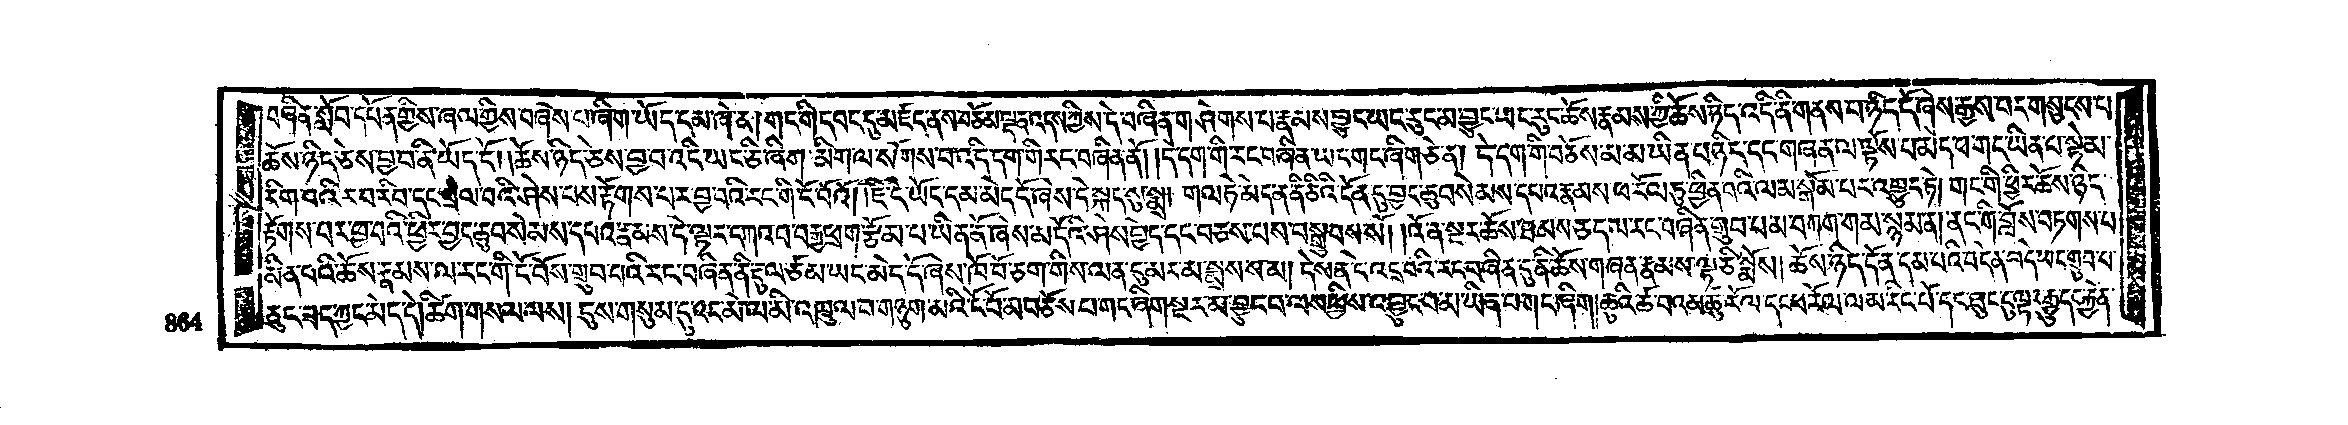བཞིན་སློབ་དཔོན་གྱིས་ཞལ་གྱིས་བཞེས་པ་ཞིག་ཡོད་དམ་ཞེ་ན། གང་གི་དབང་དུ་མཛད་ནས་བཅོམ་ལྡན་འདས་ཀྱིས་དེ་བཞིན་གཤེགས་པ་རྣམས་བྱུང་ཡང་རུང་མ་བྱུང་ཡང་རུང་ཆོས་རྣམས་ཀྱི་ཆོས་ཉིད་འདི་ནི་གནས་པ་ཉིད་དོ་ཞེས་རྒྱས་པར་གསུངས་པ་
ཆོས་ཉིད་ཅེས་བྱ་བ་ནི་ཡོད་དོ། །ཆོས་ཉིད་ཅེས་བྱ་བ་འདི་ཡང་ཅི་ཞིག །མིག་ལ་སོགས་པ་འདི་དག་གི་རང་བཞིན་ནོ། །དེ་དག་གི་རང་བཞིན་ཡང་གང་ཞིག་ཅེ་ན། དེ་དག་གི་བཅོས་མ་མ་ཡིན་པ་ཉིད་དང་གཞན་ལ་ལྟོས་པ་མེད་པ་གང་ཡིན་པ་སྟེ་མ་
རིག་པའི་རབ་རིབ་དང་བྲལ་བའི་ཤེས་པས་རྟོགས་པར་བྱ་བའི་རང་གི་ངོ་བོའོ། །ཇི་དེ་ཡོད་དམ་མེད་དོ་ཞེས་དེ་སྐད་སུ་སྨྲ། གལ་ཏེ་མེད་ན་ནི་ཅིའི་དོན་དུ་བྱང་ཆུབ་སེམས་དཔའ་རྣམས་ཕ་རོལ་ཏུ་ཕྱིན་པའི་ལམ་སྒོམ་པར་འགྱུར་ཏེ། གང་གི་ཕྱིར་ཆོས་ཉིད་
རྟོགས་པར་བྱ་བའི་ཕྱིར་བྱང་ཆུབ་སེམས་དཔའ་རྣམས་དེ་ལྟར་དཀའ་བ་བརྒྱ་ཕྲག་རྩོམ་པ་ཡིན་ནོ་ཞེས་མདོའི་ཤེས་བྱེད་དང་བཅས་པས་བསྒྲུབས་སོ། །འོ་ན་སྔར་ཆོས་ཐམས་ཅད་ལ་རང་བཞིན་གྲུབ་པ་མ་བཀག་གམ་སྙམ་ན། ནང་གི་བློས་བཏགས་པ་
མིན་པའི་ཆོས་རྣམས་ལ་རང་གི་ངོ་བོས་གྲུབ་པའི་རང་བཞིན་ནི་རྡུལ་ཙམ་ཡང་མེད་དོ་ཞེས་ཁོ་བོ་ཅག་གིས་ལན་དུ་མར་མ་སྨྲས་སམ། དེས་ན་དེ་འདྲ་བའི་རང་བཞིན་དུ་ནི་ཆོས་གཞན་རྣམས་ལྟ་ཅི་སྨོས། ཆོས་ཉིད་དོན་དམ་པའི་བདེན་པ་དེ་ཡང་གྲུབ་པ་
ཅུང་ཟད་ཀྱང་མེད་དེ། ཚིག་གསལ་ལས། དུས་གསུམ་དུའང་མེ་ལ་མི་འཁྲུལ་བ་གཉུག་མའི་ངོ་བོ་མ་བཅོས་པ་གང་ཞིག་སྔར་མ་བྱུང་བ་ལས་ཕྱིས་འབྱུང་བ་མ་ཡིན་པ་གང་ཞིག །ཆུའི་ཚ་བའམ་ཚུ་རོལ་དང་ཕ་རོལ་ལམ་རིང་པོ་དང་ཐུང་ངུ་ལྟར་རྒྱུ་དང་རྐྱེན་